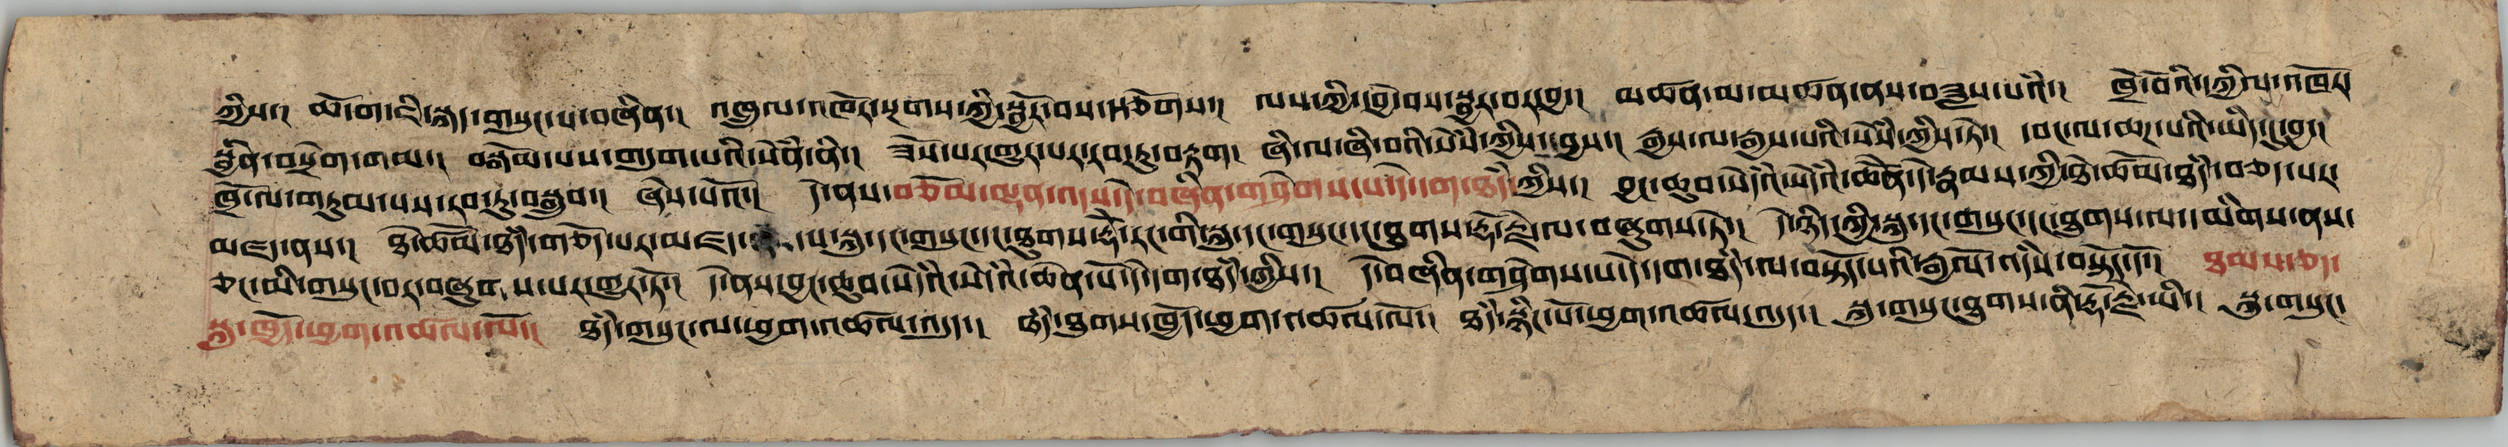ཀྱིས་། ཆོ་ག་ཇི་སྐད་གསུང་པ་བཞིན་། འཁྲུལ་འཁོར་སྔགས་ཀྱི་སྦྱོར་བས་སྩོགས་། ལས་ཀྱི་དབྱེ་བས་སྦྱར་བར་བྱ་། མཚན་མ་མཚན་ནས་བཟླས་པའཾ་། ཁྲོ་བོའི་དཀྱིལ་འཁོར་
སྦྱིན་བསྲེག་གམ་། བསྒོམ་པས་གདུག་པའི་སེཾན་ནི་། ཟོས་པར་གྱུར་པར་རབ་ཏུ་བརྟག། ཞི་ལ་ཞི་བའི་སེཾས་ཀྱིས་དབྱས་། རྒྱས་ལ་རྒྱས་པའི་སེཾས་ཀྱིས་ཏེ་། དབང་ལ་ཆཌ་པའི་ཡིད་དུ་བྱ་།
ཁྲོ་ལ་གཏུམ་པས་རབ་ཏུ་བསྒྲུབ་། ཞེས་པའོ་། དེ་ནས་བཅོམ་ལྡན་འདས་དེ་བཞིན་གཤེགས་པ་དེ་དག་ཐཾད་ཀྱིས་། བྱང་ཆུབ་སེདཾའ་སེདཾའ་ཆེནོ་དེ་རྣམས་ཀྱི་ཐེ་ཚོམ་ཐཾད་བཅད་པར་
མཛད་ནས་། ཐེ་ཚོམ་ཐཾད་གཅོད་པར་མཛད་ས་སྐུ་དང་གསུང་དང་ཐུགས་རྡོེ་རང་གི་སྐུ་དང་གསུང་དང་ཐུགས་རྡོ་རྗེ་ལ་བཞུགས་ཏེ་། དེ་ཉིད་ཀྱི་སྐུ་དང་གསུང་དང་ཐུགས་ལ་དམིགས་ནས་
ཅང་མི་གསུང་བར་བཞུགས་པར་གྱུར་ཏོ་། དེ་ནས་བྱང་ཆུབ་སེདཾའ་སེདཾའ་ཆེན་པོ་དེ་དག་ཐཾད་གྱིས་། དེ་བཞིན་གཤེགས་པ་དེ་དག་ཐཾད་ལ་བསྟོད་པའི་རྒྱལོ་འདིས་བསྟོད་དོ་། ཐམས་ཅད་
སྐུ་ཁྱོད་ཕྱག་འཚལ་ལོ་། ཐཾད་གསུང་ལ་ཕྱག་འཚལ་འདུད་། ཐཾད་ཐུགས་ཁྱོད་ཕྱག་འཚལ་ལོ་། ཐཾད་སྙིང་པོ་ཕྱག་འཚལ་འདུད་། སྐུ་གསུང་ཐུགས་ནི་རྡོ་རྗེ་ཡི་། སྐུ་གསུང་